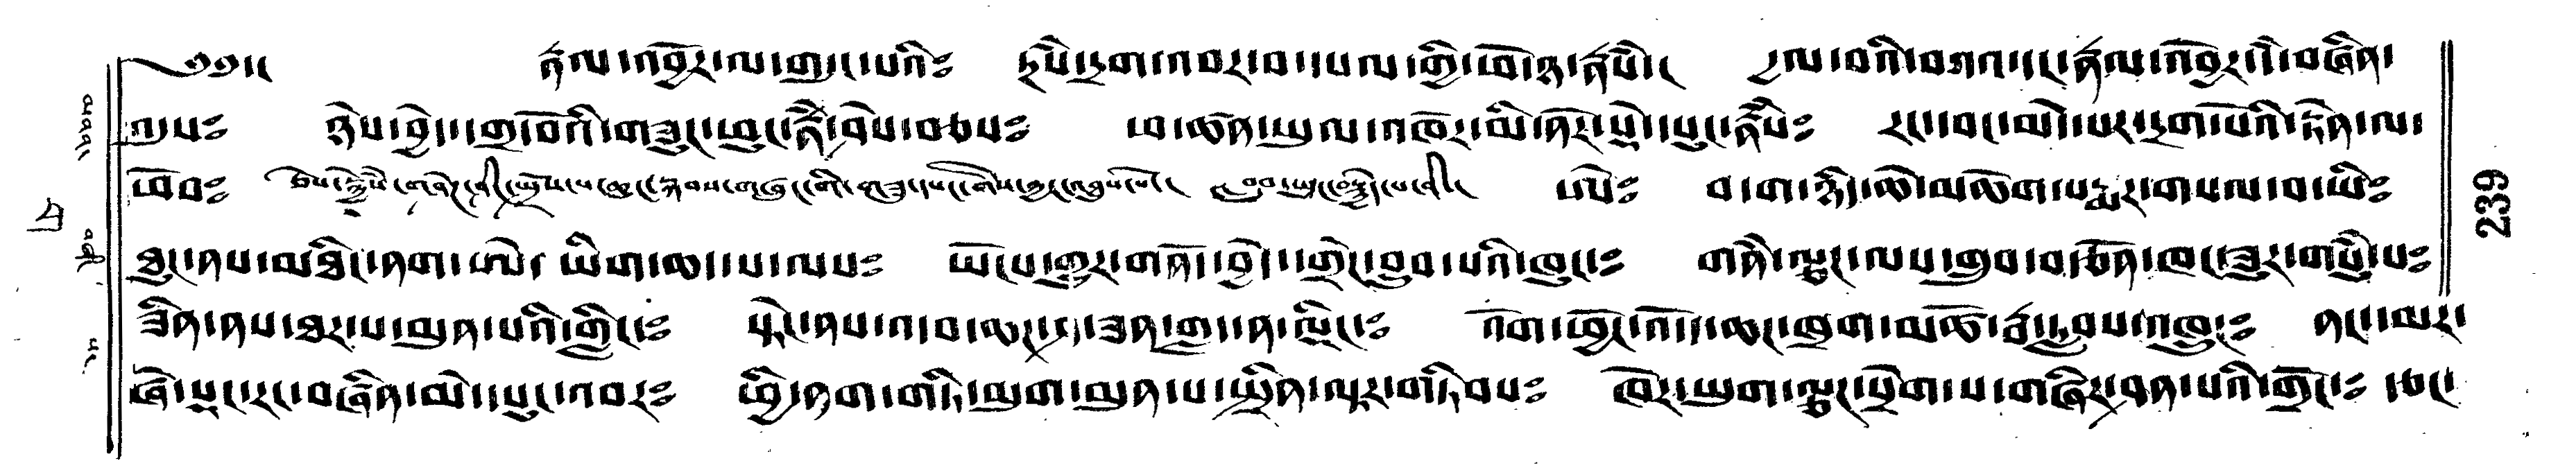རྣལ་འབྱོར་ལ་དུང་པའིཿ རྔམ་དྲག་འབར་བ་དཔལ་གྱི་ཕོ་ཉ་རྣམསཿ རྒྱལ་བའི་བཀའ་དང་རྣལ་འབྱོར་དམ་བཞིན
་འདུསཿ ཉེས་བྱེད་དགྲ་བོའི་གཟུགས་ཕུང་རྣམ་ཤེས་བཅསཿ ཕ་ཚན་ཡུལ་འཁོར་མི་ནོར་སྡེ་དཔུང་རྣམསཿ རང་དབང་མེད་པར་དྲག་པོའི་རྟེན་ལ་
ཕོབསཿ ཞེས་སྐྱེམས་གཤེགས་ཤིང་སྤྲོས་པ་ཆུང་སྐབས་གཞུང་གི་གཟུ་དཔང་གིས་ཀྱང་འཐུས་སོ།། བྲུབ་ཁུང་བསྐྱེད་པ་ནི་ཨེཿ བདག་ཉིད་ཆེ་མཆོག་པདྨར་གསལ་བ་ཡིཿ 
ཐུགས་ནས་མཐིང་ནག་ཨེ་ཡིག་ཆད་པ་ལསཿ ཡོངས་གྱུར་གནོད་བྱེད་དགྲ་བགེགས་བྲུབ་པའི་ཁུངཿ གནམ་ལྕགས་ལས་གྲུབ་བཙོན་ཁང་ཟུར་གསུམ་པཿ 
ཟིན་ནས་ཐར་པ་མེད་པ་མུན་པའི་གླིངཿ སྟེང་ནས་འདབ་ཆགས་ཤ་ཟན་ཀླད་ན་ལྡིངཿ འོག་ཕྱོགས་འདོད་ཆགས་ཁྲག་མཚོ་རྦ་རླབས་འཁྲུགཿ ནང་དམར་
ཞེ་སྡང་རང་བཞིན་མེ་དཔུང་འབརཿ ཕྱི་ནག་གཏི་མུག་མུན་པ་སྤྲིན་ལྟར་ཐིབཿ ཁོར་ཡུག་ལྕག་སྲེགས་གཞིར་ཤན་པའི་གྲོངཿ རྩང་